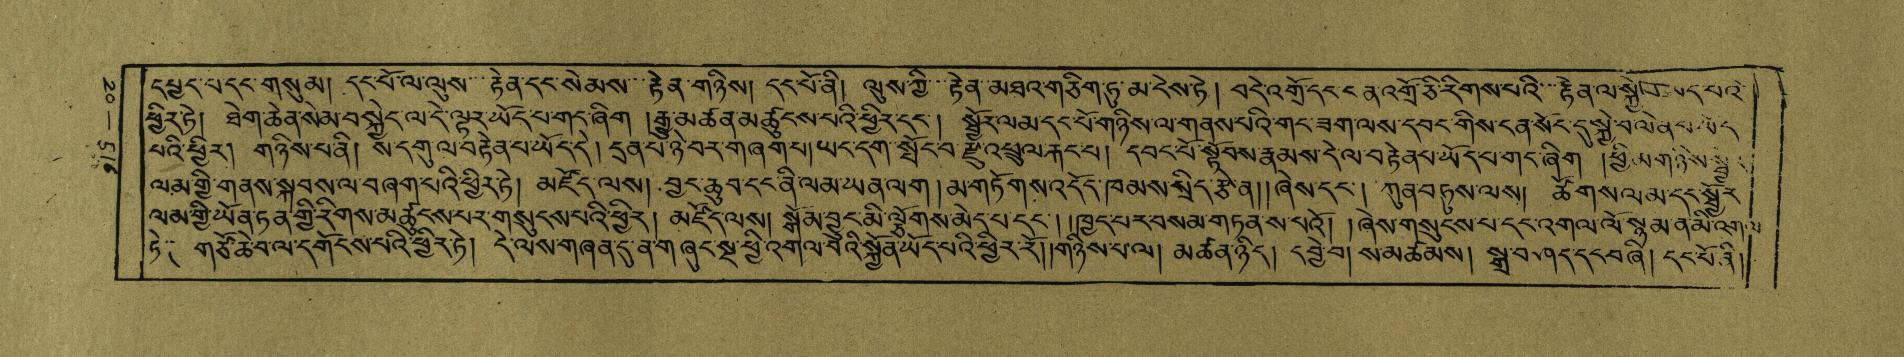དཔྱད་པ་དང་གསུམ། དང་པོ་ལ་ལུས་རྟེན་དང་སེམས་རྟེན་གཉིས། དང་པོ་ནི། ལུས་ཀྱི་རྟེན་མཐའ་གཅིག་ཏུ་མ་ངེས་ཏེ། བདེ་འགྲོ་དང་ངན་འགྲོ་ཅི་རིགས་པའི་རྟེན་ལ་སྐྱེ་བ་ཡོད་པའི་
ཕྱིར་ཏེ། ཐེག་ཆེན་སེམས་བསྐྱེད་ལ་དེ་ལྟར་ཡོད་པ་གང་ཞིག །རྒྱུ་མཚན་མཚུངས་པའི་ཕྱིར་དང་། སྦྱོར་ལམ་དང་པོ་གཉིས་ལ་གནས་པའི་གང་ཟག་ལས་དབང་གིས་ངན་སོང་དུ་སྐྱེ་བ་ལེན་པ་ཡོད་
པའི་ཕྱིར། གཉིས་པ་ནི། ས་དགུ་ལ་བརྟེན་པ་ཡོད་དེ། དྲན་པ་ཉེ་བར་གཞག་པ། ཡང་དག་སྤོང་བ་རྫུ་འཕྲུལ་རྐང་པ། དབང་པོ་སྟོབས་རྣམས་དེ་ལ་བརྟེན་པ་ཡོད་པ་གང་ཞིག །ཕྱི་མ་གཉིས་སྦྱོར་
ལམ་གྱི་གནས་སྐབས་ལ་བཞག་པའི་ཕྱིར་ཏེ། མཛོད་ལས། བྱང་ཆུབ་དང་ནི་ལམ་ཡན་ལག །མ་གཏོགས་འདོད་ཁམས་སྲིད་རྩེ་ན། །ཞེས་དང་། ཀུན་བཏུས་ལས། ཚོགས་ལམ་དང་སྦྱོར་
ལམ་གྱི་ཡོན་ཏན་གྱི་རིགས་མཚུངས་པར་གསུངས་པའི་ཕྱིར། མཛོད་ལས། སྒོམ་བྱུང་མི་ལྕོགས་མེད་པ་དང་། །ཁྱད་པར་བསམ་གཏན་ས་པའོ། །ཞེས་གསུངས་པ་དང་འགལ་ལོ་སྙམ་ན་མི་འགལ་
ཏེ༑ གཙོ་ཆེ་བ་ལ་དགོངས་པའི་ཕྱིར་ཏེ། དེ་ལས་གཞན་དུ་ན་གཞུང་སྔ་ཕྱི་འགལ་བའི་སྐྱོན་ཡོད་པའི་ཕྱིར་རོ། །གཉིས་པ་ལ། མཚན་ཉིད། དབྱེ་བ། ས་མཚམས། སྒྲ་བཤད་དང་བཞི། དང་པོ་ནི།